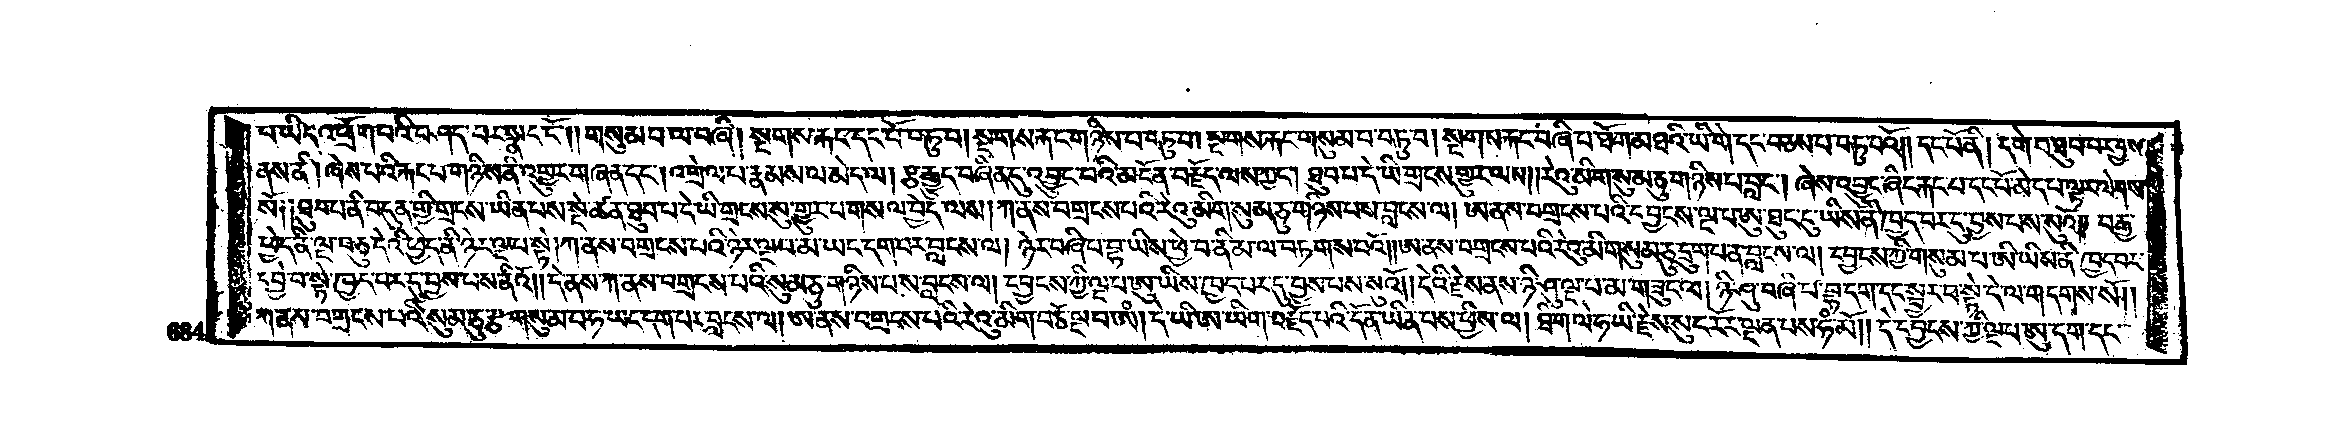པ་ཡིད་འཕྲོག་པའི་བཤད་པར་སྣང་ངོ། །གསུམ་པ་ལ་བཞི། སྔགས་རྐང་དང་པོ་བཏུ་བ། སྔགས་རྐང་གཉིས་པ་བཏུ་བ། སྔགས་རྐང་གསུམ་པ་བཏུ་བ། སྔགས་རྐང་བཞི་པ་ཐོག་མཐའི་ཡི་གེ་དང་བཅས་པ་བཏུ་བའོ། །དང་པོ་ནི། དགེ་བ་ཐུབ་པར་བྱས་
ནས་ནི། ཞེས་པའི་རྐང་པ་གཉིས་ནི་འགྱུར་གཞན་དང་། འགྲེལ་པ་རྣམས་ལ་མེད་ལ། རྩ་རྒྱུད་བཞིན་དུ་འབྱུང་བའི་མངོན་བརྗོད་ལས་ཀྱང་། ཐུབ་པ་དེ་ཡི་གྲངས་གྱུར་ལས། །རེའུ་མིག་སུམ་ཅུ་གཉིས་པ་བླང་། ཞེས་འབྱུང་ཞིང་རྐང་པ་དང་པོ་མེད་པ་ལྟར་ལེགས་
སོ། །ཐུབ་པ་ནི་བདུན་གྱི་གྲངས་ཡིན་པས་སྡེ་ཚན་ཐུབ་པ་དེ་ཡི་གྲངས་སུ་གྱུར་པ་གསལ་བྱེད་ལས། ཀ་ནས་བགྲངས་པའི་རེའུ་མིག་སུམ་ཅུ་གཉིས་པས་བླངས་ལ། ཨ་ནས་བགྲངས་པའི་དབྱངས་ལྔ་པ་ཨུ་ཐུང་ངུ་ཡིས་ནི་ཁྱད་བར་དུ་བྱས་པས་སུའོ། །བརྒྱ་
ཕྱེད་ནི་ལྔ་བཅུ་དེའི་ཕྱེད་ནི་ཉེར་ལྔ་པ་སྟེ། ཀ་ནས་བགྲངས་པའི་ཉེར་ལྔ་པ་མ་ཡང་དག་པར་བླངས་ལ། ཉེར་བཞི་པ་བྷ་ཡིས་ཕྱེ་བ་ནི་མ་ལ་བཏགས་པའོ། །ཨ་ནས་བགྲངས་པའི་རེའུ་མིག་སུམ་ཅུ་དྲུག་པ་ན་བླངས་ལ། དབྱངས་ཀྱི་གསུམ་པ་ཨི་ཡིས་ནི་ཁྱད་པར་
དབྱེ་བ་སྟེ་ཁྱད་པར་དུ་བྱས་པས་ནིའོ། །དེ་ནས་ཀ་ནས་བགྲངས་པའི་སུམ་ཅུ་གཉིས་པ་ས་བླངས་ལ། དབྱངས་ཀྱི་ལྔ་པ་ཨུ་ཡིས་ཁྱད་པར་དུ་བྱས་པས་སུའོ། །དེའི་རྗེས་ནས་ཉི་ཤུ་ལྔ་པ་མ་གཟུང་ལ། ཉི་ཤུ་བཞི་པ་བྷ་དག་དང་སྦྱར་བ་སྟེ་དེ་ལ་གདགས་སོ། །
ཀ་ནས་བགྲངས་པའི་སུམ་ཅུ་རྩ་གསུམ་པ་ཧ་ཡང་དག་པར་བླངས་ལ། ཨ་ནས་བགྲངས་པའི་རེའུ་མིག་བཅོ་ལྔ་པ་ཨཾ། དེ་ཡི་ཨ་ཡིག་བརྗོད་པའི་དོན་ཡིན་པས་ཕྱིས་ལ། ཐིག་ལེ་ཧ་ཡི་རྗེས་སུ་ང་རོར་ལྡན་པས་ཧཾ་མོ། །དེ་དབྱངས་ཀྱི་ལྔ་པ་ཨུ་དག་དང་